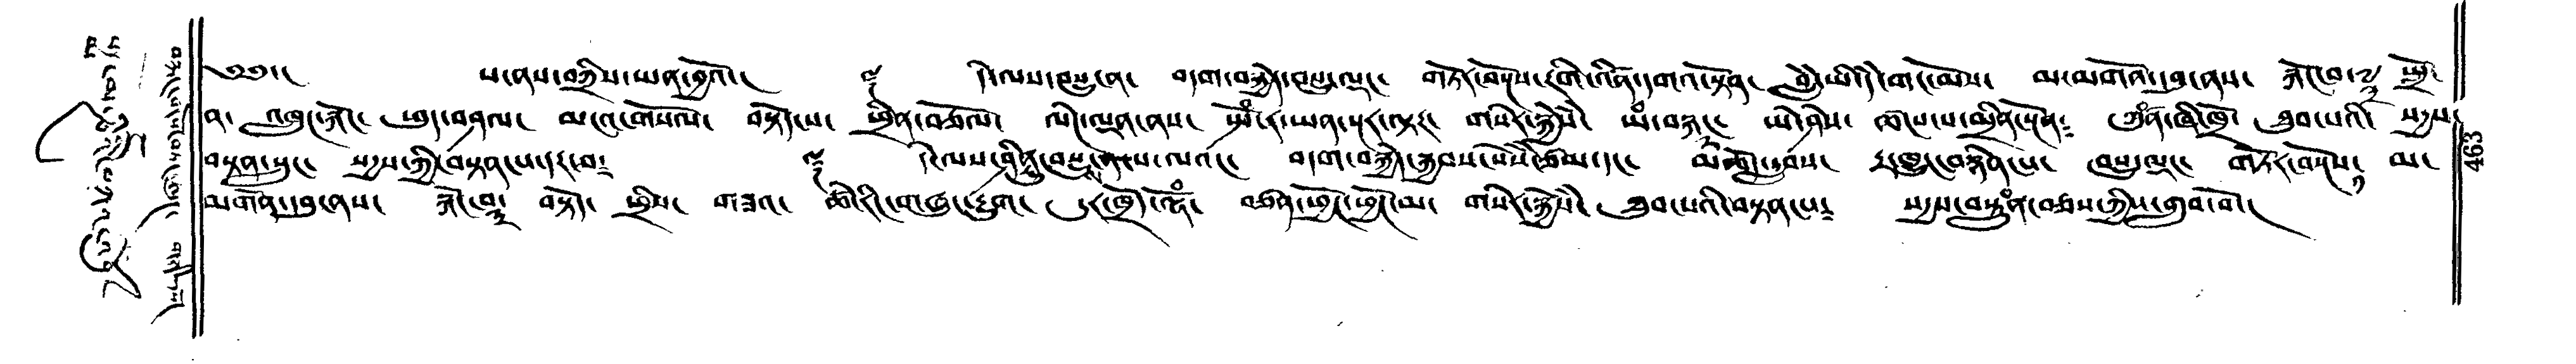པ་ནས་བཀྲ་ཤིས་ཡན་བྱའོ།། ༈ དེ་ལས་བསྡུ་ན། བདག་བསྐྱེད་བསྡུ་ལྡང་། གཏོར་བསྔོས་རིག་འཛིན་དགའ་སྟོན། བླ་མ་ཡི་དམ༴ གང་མོས། མ་མགོན་དབུ་ནས། སྐོང་བ་བདུན། སྤྲོ་
ན། འཁྲུགས་སྐོང་། ཕུད་བཤལ། མངའ་གསོལ། བསྟོད་པ། ཕྲིན་བཅོལ། ལེགས་ལྡན་ནས། སྤོམ་ར་ཡན་སྔར་ལྟར། གསེར་སྐྱེམས། ཡཾ་བསྐང་གཉིས། ཡེ་ཤེས། ཚངས་པ་མགྲིན་སྔོན༴ ཀུན་བཟང་ཞི་ཁྲོ༴ ཐུབ་པའི༴ སངས་རྒྱས་
བསྟན་སྲུང༴ སངས་རྒྱས་ཀྱི་བསྟན་པ་དར་བ༴ ༈ དེ་ལས་ཤིན་ཏུ་བསྡུས་པ་ལའང་། བདག་བསྐྱེད་སྐྱབས་སཻམས་ཙམ་དང་། མཆོད་རླབས། རྟ་ཁྱུང་བསྙེན་པ། བསྡུ་ལྡང་། གཏོར་བསྔོས་གཅིག མ་
མགོན་དབུ་ནས། སྐོང་བ་གསུམ། བསྟོད། ཕྲིན་ལས། གཟའ། ཚེ་རིང་གཞུང་རྒྱུག དུར་ཁྲོད་ལྷ་མོ། བཙན། ཕྱོགས་ཕྱོགས༴ མ། གསེར་སྐྱེམས། ཐུབ་པའི་བསྟན་པ༴ སངས་རྒྱས་བསྟན་སྲུང༴ བཅས་ཀྱིས་གྲུབ་བོ།། དགེའོ།།